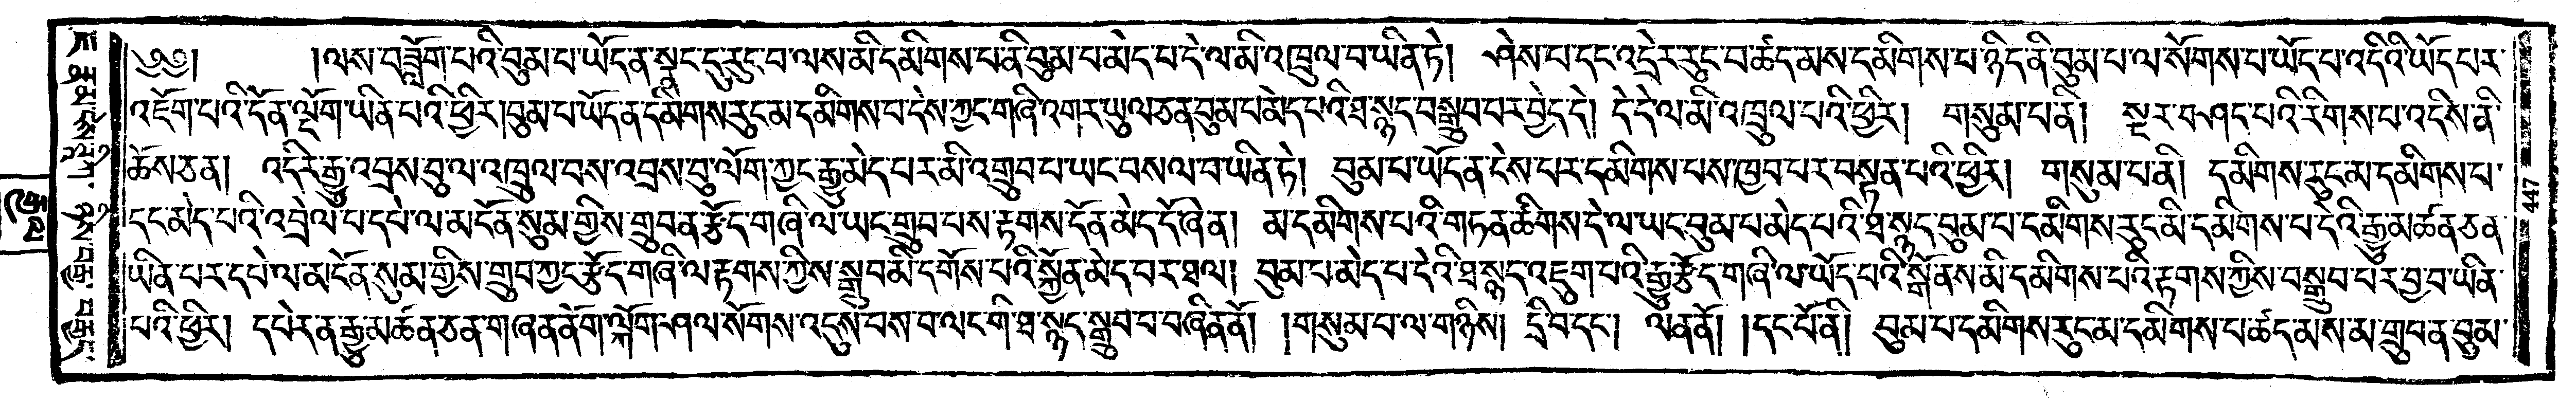༄༅། །ཡིད་ལ་སོགས་པའི་རྒྱུ་གཞན་ཚང་བ་ན་དམིགས་པར་རུང་བའི་རང་བཞིན་བུམ་པ་ཡོད་པ་ནི་བུམ་པ་ཚད་མས་དམིགས་པ་དེ་ལ་མི་འཁྲུལ་བའི་ཕྱིར། དེས་ན་བུམ་པ་ཡོད་ན་སྣང་རུང་མ་དམིགས་པ་བུམ་པ་མེད་པ་ལ་མི་
འཁྲུལ་བ་ཡིན་ཏེ། ཚད་མས་དམིགས་པ་ཡོད་པའི་དོན་ལྡོག་ཡིན་པའི་ཕྱིར། གཉིས་པ་ལ་གསུམ། ཚོགས་པ་ཡོངས་འགྱུར་ལ་བལྟོས་པས་འཁྲུལ་བའི་རྩོད་སྤང་དང་། ཡོད་ཀྱང་སྣང་མི་རུང་དུ་བྱིན་གྱིས་བརླབས་པས་འཁྲུལ་བའི་རྩོད་
སྤང་དང་། གྲུབ་ཟིན་བསྒྲུབས་པའི་སྐྱོན་སྤང་བའོ། །དང་པོ་ལ་གཉིས། རྩོད་པ་དང་། ལན་ནོ། །དང་པོ་ནི། དབང་པོ་དང་ཡིད་བྱེད་དང་བུམ་པ་གསུམ་ཀ་ཚོགས་ཀྱང་བུམ་འཛིན་མངོན་སུམ་བསྐྱེད་པ་ཚོགས་པ་ནུས་པ་གོང་ནས་གོང་དུ་
ཡོངས་སུ་འགྱུར་བ་ལ་བལྟོས་པའི་ཕྱིར། རྒྱུ་གཞན་ཚང་བའི་བུམ་པ་ཡོད་ཀྱང་བུམ་འཛིན་སྐྱེ་བའི་ངེས་པ་མེད་པས། བུམ་པ་ཡོད་པ་ཚད་མས་དམིགས་པ་ལ་འཁྲུལ་བར་ཡང་འགྱུར་རོ་ཞེ་ན། རྒྱུ་གཞན་ཚང་བའི་བུམ་པ་ཡོད་ན་ཚད་མས་
དམིགས་པ་ལ་འཁྲུལ་པའི་སྐྱོན་ཡོད་པ་མ་ཡིན་ཏེ། བུམ་པས་དག་པའི་ས་ཕྱོགས་དེར་བུམ་པ་ཡོད་ན་འབྲས་བུ་བུམ་འཛིན་སྐྱེ་བའི་དུས་ན་བུམ་པ་མེད་པར་རྟོགས་པའི་ཕྱིར། དེར་ཐལ། གཞན་བུམ་པས་དག་པའི་ས་ཕྱོགས་དམིགས་པ་ན་
བུམ་པ་དེ་མི་དམིགས་པར་གྲུབ་པའི་ཕྱིར་རོ། །གཉིས་པ་ལ་གཉིས། རྩོད་པ་དང་། ལན་ནོ། །དང་པོ་ནི། གལ་ཏེ་རྣལ་འབྱོར་པ་མཐུ་དང་ལྡན་པས་སམ། ཤ་ཟ་ལ་སོགས་པས་བུམ་པ་ཡོད་ཀྱང་སྣང་མི་རུང་དུ་བྱིན་གྱིས་བརླབས་པའི་ཕྱིར་བུམ་པ་